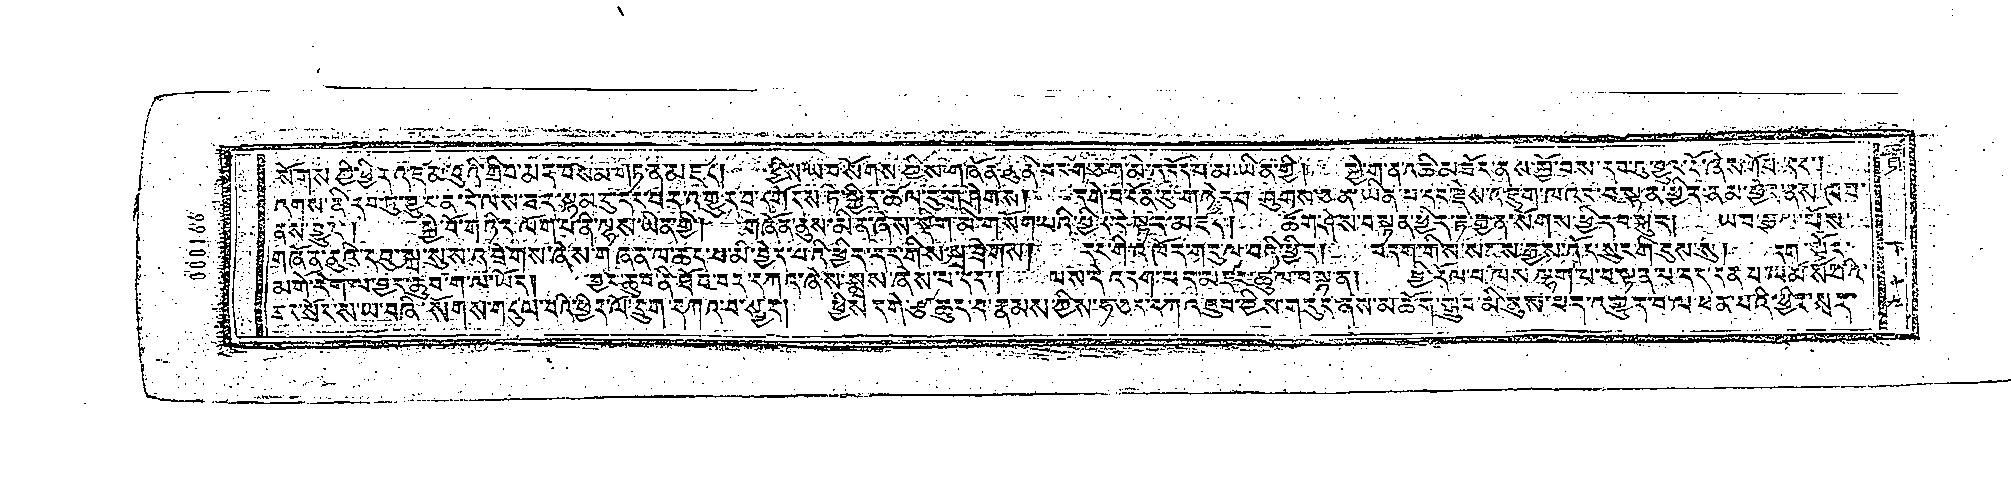སོགས་ཀྱི་ཕྱིར་འཛམ་བུའི་གྲིབ་མར་བསམ་གཏན་མཛད། ཕྱིས་ཡབ་སོགས་ཀྱིས་གཞོན་ནུ་ནི་བདག་ཅག་མི་འདོད་པ་མ་ཡིན་གྱི། སྐྱེ་ག་ན་འཆི་མཐོང་ནས་སྐྱོ་བས་རབ་ཏུ་བྱུང་ངོ་ཞེས་གོ་བ་དང་།
འགས་ནི་རབ་ཏུ་བྱུང་ན་ངེ་ལས་ཐར་སྙམ་དུ་དང་པར་འགྱུར་བ་དགོངས་ཏེ་སྐྱིད་ཚལ་དུ་གཤེགས། དགེ་བ་དོན་དུ་གཉེར་བ་ཤུགས་ཅན་ཡིན་པ་དང་རྗེས་འཇུག་ལའང་བསྟན་ཕྱིར་ནམ་ཕྱེར་ནས་ཁབ་
ནས་བྱུང་། སྐྱེ་བོ་གཉིད་ལོག་པ་ནི་ལྷས་ཡིན་གྱི། གཞོན་ནུས་མིན་ཞེས་སྡིག་མི་གསོག་པའི་ཕྱིར་དེ་ལྟར་མཛད། ཆོག་ཤེས་བསྟན་ཕྱིར་རྟ་རྒྱན་སོགས་ཕྱིར་བསྐུར། ཡབ་རྒྱལ་པོས་
གཞོན་ནུའི་དབུ་སྐྲ་སུས་འབྲིགས་ཞེས་གཞན་ལ་ཆད་པ་མི་བྱེད་པའི་ཕྱིར་རང་གིས་སྐྲ་བྲེགས། རང་གི་འཁོར་གདུལ་བའི་ཕྱིར། བདག་གིས་སངས་རྒྱས་འོད་སྲུང་གི་དུས་སུ། དགེ་སྦྱོད་
མགོ་རེག་ལ་བྱང་ཆུབ་ག་ལ་ཡོད། བྱང་ཆུབ་ནི་ཐོབ་བར་དཀའ་ཞེས་སྨྲས་ཞེས་པ་དང་། ལས་དེ་འདག་པར་མཛད་ཚུལ་བསྟན། ཕྱི་རོལ་པ་ལས་ལྷག་པ་བསྟན་པ་དང་དན་པ་ལ་མོས་པའི་
དྲང་སྲོང་ས་ཡ་བཞི་སོགས་གདུལ་བའི་ཕྱིར་ལོ་དྲུག་དཀའ་བ་སྤྱད། ཕྱིས་དགེ་རྩ་ཆུད་བ་རྣམས་ཀྱིས་ཧ་ཅང་དཀའ་ཐུབ་ཀྱིས་གདུང་ནས་མཆོག་སྒྲུབ་མི་ནུས་པར་འགྱུར་བ་ལ་ཕན་པའི་ཕྱིར་སླར་